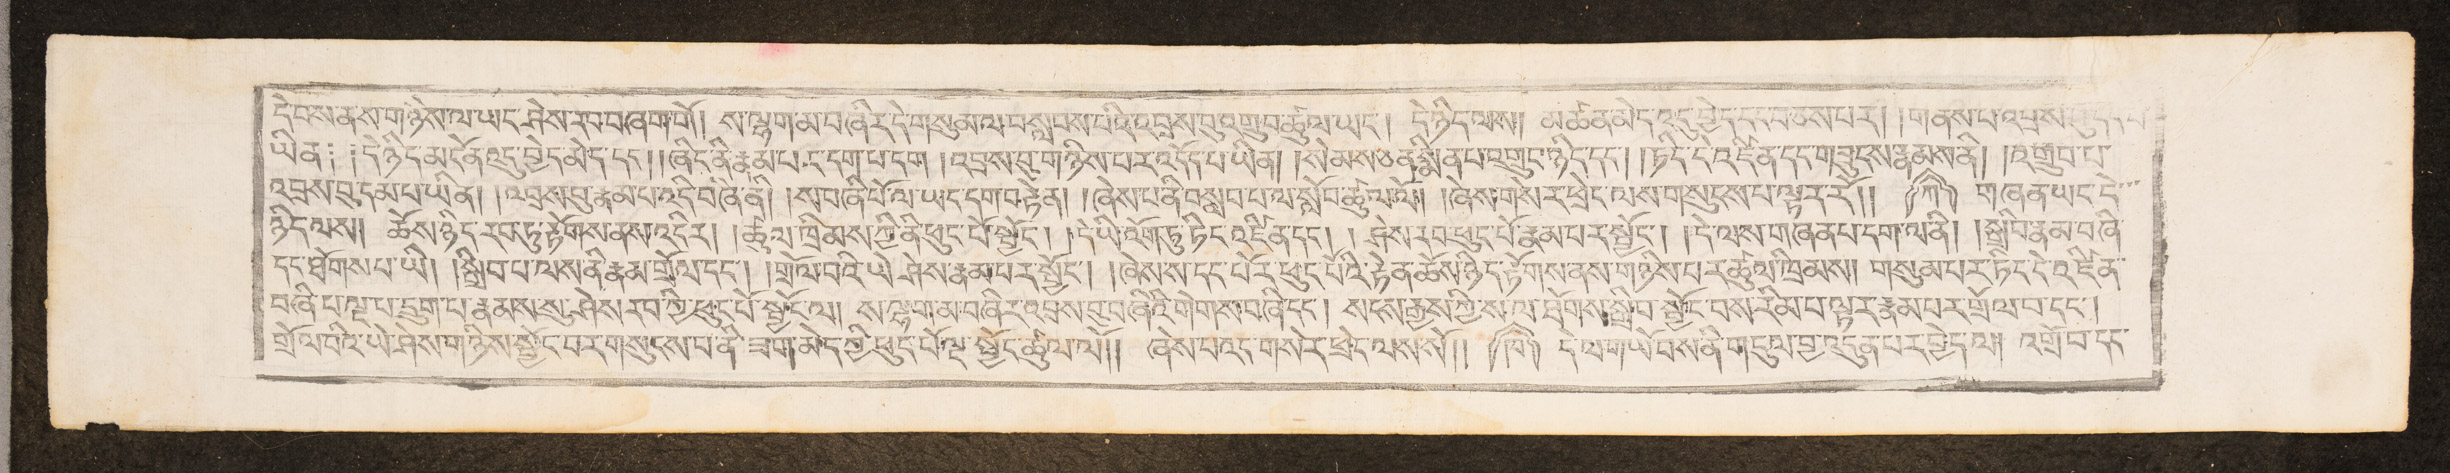དེ་བས་ནས་གཉིས་ལ་ཡང་ཤེས་རབ་བཞག་གོ། ས་ལྷག་མ་བཞིར་དེ་གསུམ་ལ་བསླབས་པའི་འབྲས་བུ་འགྲུབ་ཚུལ་ཡང་། དེ་ཉིད་ལས། མཚན་མེད་འདུ་བྱེད་དང་བཅས་པར། །གནས་པ་འབྲས་བུ་དང་པོ་
ཡིན། །དེ་ཉིད་མངོན་འདུ་བྱེད་མེད་དང་། །ཞིང་ནི་རྣམ་པར་དག་པ་དག །འབྲས་བུ་གཉིས་བར་འདོད་པ་ཡིན། །སེམས་ཅན་སྨིན་པ་འགྲུབ་ཉིད་དང་། །ཏིང་ངེ་འཛིན་དང་གཟུངས་རྣམས་ནི། །འགྲུབ་པ་
འབྲས་བུ་དམ་པ་ཡིན། །འབྲས་བུ་རྣམ་པ་འདི་བཞི་ནི། །ས་བཞི་པོ་ལ་ཡང་དག་བརྟེན། །ཞེས་པ་ནི་བསླབ་པ་ལ་སློབ་ཚུལ་ལོ། །ཞེས་གསེར་ཕྲེང་ལས་གསུངས་པ་ལྟར་རོ།། ༼༽ཀ༼༽ གཞན་ཡང་དེ་
ཉིད་ལས། ཆོས་ཉིད་རབ་ཏུ་རྟོགས་ནས་འདིར། །ཚུལ་ཁྲིམས་ཀྱི་ནི་ཕུང་པོ་སྦྱོང་། །དེ་ཡི་འོག་ཏུ་ཏིང་འཛིན་དང་། །ཤེས་རབ་ཕུང་པོ་རྣམ་པར་སྦྱོང་། །དེ་ལས་གཞན་པ་དག་ལ་ནི། །སྒྲིབ་རྣམ་བཞི་
དང་ཐོགས་པ་ཡི། །སྒྲིབ་པ་ལས་ནི་རྣམ་གྲོལ་དང་། །གྲོལ་བའི་ཡེ་ཤེས་རྣམ་པར་སྦྱོང་། །ཞེས་ས་དང་པོར་ཕུང་པོའི་རྟེན་ཆོས་ཉིད་རྟོགས་ནས་གཉིས་པར་ཚུལ་ཁྲིམས། གསུམ་པར་ཏིང་ངེ་འཛིན་
བཞི་པ་ལྔ་པ་དྲུག་པ་རྣམས་སུ་ཤེས་རབ་ཀྱི་ཕུང་པོ་སྦྱོང་ལ། ས་ལྷག་མ་བཞིར་འབྲས་བུ་བཞིའི་གེགས་བཞི་དང་། སངས་རྒྱས་ཀྱི་ས་ལ་ཐོགས་སྒྲིབ་སྦྱོང་བས་རིམ་པ་ལྟར་རྣམ་པར་གྲོལ་བ་དང་།
གྲོལ་བའི་ཡེ་ཤེས་གཉིས་སྦྱོང་བར་གསུངས་པ་ནི་ཟག་མེད་ཀྱི་ཕུང་པོ་ལྔ་སྦྱོང་ཚུལ་ལོ།། ཞེས་པའང་གསེར་ཕྲེང་ལས་སོ།། ༼༽ཁ༼༽ དེ་ལ་གཡོ་བས་ནི་གདུལ་བྱ་འདུན་པར་བྱེད་ལ། འགྲོ་བ་དང་